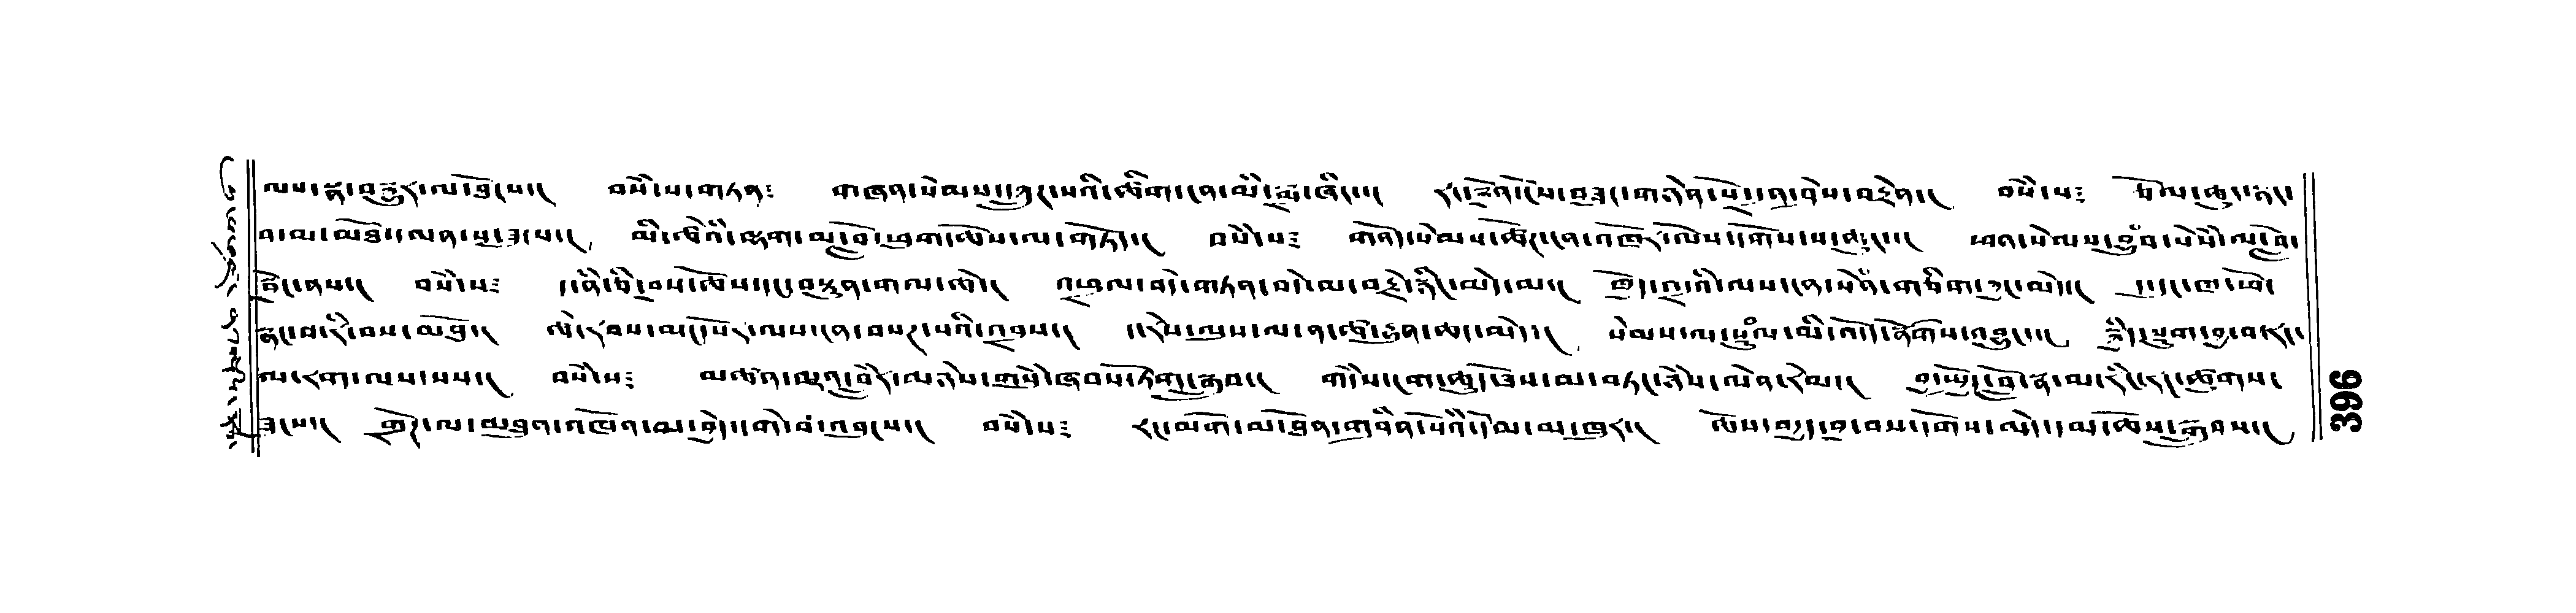ལས་སྣ་བསྐྱུར་ལ་ཐོངས། །བསམ་པ་གཏན༴ གཞན་སེམས་དཀྲུགས་པའི་ཚིག་ངན་མི་སྨྲ་ཞིང་། །རང་སྐྱོན་ངོས་བཟུང་གཉེན་པོ་དྲན་ཤེས་བསྟེན། །བསམ་པ༴ ཅོལ་ཆུང་སྣང་
བ་མ་མཐོ་མན་ས་ཟུངས། །མི་ཚེའི་ལྷག་མ་བློ་ཕུག་ཆོས་ལ་གཏོད། །བསམ་པ༴ གནོད་སེམས་ཚོགས་ངན་འཁོར་ལོས་དགོས་པ་ཆུང་། །ཕན་སེམས་བྱང་ཆུབ་སེམས་ལ་བློ་
སྦྱང་ནས། །བསམ་པ༴ ད་ནི་ཅི་བྱས་ཆོས་དང་བསྟུན་གལ་ཆེ། །འཕྲལ་བདེ་གཏན་བདེ་མ་བརྗེ་སྙིང་མེད་མ།ཁྱོད་འདྲའི་ལས་ངན་སེམས་ཅན་གཅིག་ཀྱང་མེད། །ད་དུང་ཁ་ཕོ་
སྣང་བ་རི་བས་མཐོ། །ཚེ་རབས་མང་པོར་ལས་ངན་བསགས་པའི་འབྲས། །ད་རེས་ལུས་ལ་ན་ཚ་རྒྱུན་ཆད་མེད། །སེམས་ལ་སྡུག་བསྔལ་མི་འདོད་སྣ་ཚོགས་འབྱུང་། །སྐྱིད་སྡུག་བྱ་བ་རང་
ལ་རག་ལས་པས། །བསམ་པ༴ མཚན་ལྡན་བླ་མར་མཉེས་གསུམ་ཞབས་ཏོག་སྒྲུབས། །གདམས་ངག་ཆུད་ཟོས་མ་བཏང་ཉམས་ལེན་རེམ། །བྱ་སྤྱོད་བློ་སྣ་མ་རིང་རང་ཚུགས་
ཟུངས། །གྲོགས་ལ་མཐུན་འཁོན་མ་བྱེད་དགེ་བ་འབུངས། །བསམ་པ༴ རང་མགོ་མ་ཐོན་གཤིན་པོའི་དོམ་མ་ཁུར། །ཆོས་བརྒྱད་བྱ་བས་དགོས་མེད་དམ་ཆོས་སྒྲུབས།